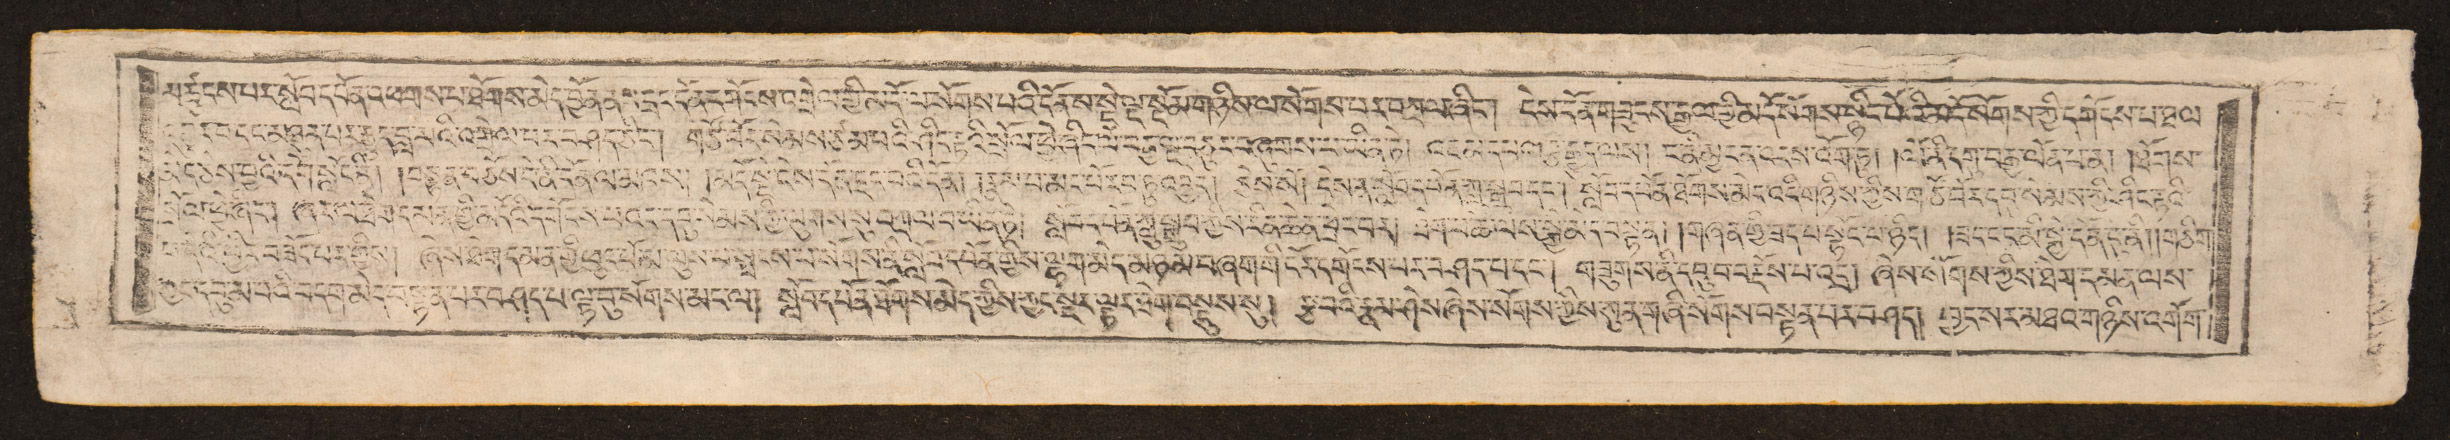མཚུངས་པར་སློབ་དཔོན་འཕགས་པ་ཐོགས་མེད་བྱོན་ནས་དྲང་དོན་དགོངས་འགྲེལ་གྱི་མདོ་ལ་སོགས་པའི་དོ་ནས་སྡེ་ལྔ་སྡོམ་གཉིས་ལ་སོགས་པར་བཀྲལ་ཞིང་། ངེས་དོན་གཟུངས་རྒྱལ་གྱི་མདོ་སོགས་སྙིང་པོའི་མདོ་སོགས་ཀྱི་དགོངས་པ་ཐལ་
འགྱུར་བ་དང་མཐུན་པར་རྒྱུད་བླ་མའི་འགྲེལ་པར་བཤད་ཅིང་། གཙོ་པོར་སེམས་ཙམ་པའི་ཤིང་རྟའི་སྲོལ་ཕྱེ་ཞིང་ལོ་བརྒྱ་ལྔ་བཅུར་བཞུགས་པ་ཡིན་ཏེ། འཇམ་དཔལ་རྩ་རྒྱུད་ལས། ང་ནི་མྱ་ངན་འདས་འོག་ཏུ། །ལོ་ནི་དགུ་བརྒྱ་ལོན་པ་ན། །ཐོགས་
མེད་ཅེས་བྱའི་དགེ་སློང་ནི། །བསྟན་བཅོས་དེ་ནི་དོན་ལ་མཁས། །མདོ་སྡེ་ངེས་དོན་དྲང་བའི་དོན། །རྣམ་པ་མང་པོ་རབ་ཏུ་འབྱེད། ཅེས་སོ། དེས་ན་སློབ་དཔོན་ཀླུ་སྒྲུབ་དང་། སློབ་དཔོན་ཐོགས་མེད་འདི་གཉིས་ཀྱིས་གཙོ་བོར་དབུ་སེམས་ཀྱི་ཤིང་རྟའི་
སྲོལ་ཕྱེ་ཞིང་། ཞར་ལ་ཐེག་དམན་གྱི་མདོའི་དགོངས་པའང་དབུ་སེམས་ཀྱི་ལུགས་སུ་བཀྲལ་བ་ཡིན་ཏེ། སློབ་དཔོན་ཀླུ་སྒྲུབ་ཀྱིས་རིན་ཆེན་ཕྲེང་བར། ཐེག་པ་ཆེ་ལས་སྐྱེ་མེད་བསྟན། །གཞན་གྱི་ཟད་པ་སྟོང་པ་ཉིད། །ཟད་དང་མི་སྐྱེ་དོན་དུ་ནི། །གཅིག་
པ་དེའི་ཕྱིར་བཟོད་པར་གྱིས། ཞེས་ཐེག་དམན་གྱི་ཕུང་པོ་མ་ལུས་པ་སྤངས་པ་སོགས་ནི་སློབ་དཔོན་གྱིས་ལྷག་མེད་མཉམ་བཞག་གི་དོར་དགོངས་པར་བཤད་པ་དང་། གཟུགས་ནི་དབུ་བ་བརྡོས་པ་འདྲ། ཞེས་སོགས་ཀྱིས་ཐེག་དམན་ལས་
ཀྱང་དབུ་མ་པའི་བདག་མེད་བསྟན་པར་བཤད་པ་ལྟ་བུ་སོགས་མང་ལ། སློབ་དཔོན་ཐོགས་མེད་ཀྱིས་ཀྱང་སྔར་ལྟར་ཐེག་བསྡུས་སུ། རྩ་བའི་རྣམ་ཤེས་ཞེས་སོགས་ཀྱིས་ཀུན་གཞི་སོགས་བསྟན་པར་བཤད། བྱང་སར་མཐའ་གཉིས་འགོག་